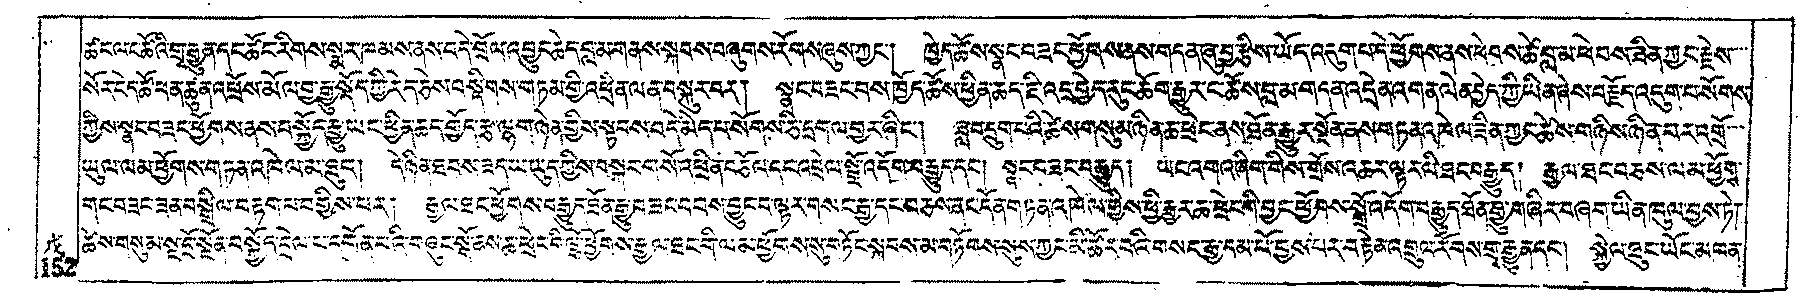ཚང་ལ་ང་ཚོའི་གྲྭ་རྒྱུན་དང་ཚོང་རིགས་སྨར་ཁམས་ནས་བདེ་གྲོལ་འབྱུང་ཆེད་བླ་མ་གནས་སྐབས་བཞུགས་རོགས་ཞུས་ཀྱང་། ཁྱེད་ཚོས་སྣང་བཟང་ཕྱོགས་ནས་གདན་ཞུ་བྱ་རྩིས་ཡོད་འདུག་པ་དེ་ཕྱོགས་ནས་ཕེབས་ཚེ་བླ་མ་ཕེབས་ཟིན་ཀྱང་རྗེས་
སོར་ངེད་ཚོ་ཕན་ཚུན་འཕྲོས་མོལ་བྱ་རྒྱུ་སྡོད་ཀྱི་རེད་ཅེས་བསྡིགས་གཏམ་གྱི་འཕྲིན་ལན་བསྐུར་བར། སྣང་བཟང་བས་ཁྱོད་ཚོས་ཕྱིན་ཆད་ཇི་འདྲ་བྱེད་རུང་ཆོག་རྒྱུར་ང་ཚོས་བླ་མ་གདན་འདྲེན་འགན་ལེན་བྱེད་ཀྱི་ཡིན་ཞེས་བརྗོད་འདུག་པ་སོགས་
ཀྱིས་སྣང་བཟང་ཕྱོགས་ནས་བསྐྱོད་རྒྱུ་ཡང་ཕྱིན་ཆད་གྱོད་རྩ་ལྷག་ཉེན་གྱིས་སྟབས་བདེ་མེད་པ་སོགས་ཅི་དྲག་ལ་གྱར་ཞིང་། ཟླ་བ་དྲུག་པའི་ཚེས་གསུམ་ཉིན་ཆ་ཕྲེང་ནས་ཐོན་རྒྱུར་སྔོན་ནས་གཏན་འཁེལ་ཟིན་ཀྱང་ཚེས་གཉིས་ཉིན་བར་འགྲོ་
ཡུལ་ལམ་ཕྱོགས་གཏན་འཁེལ་མ་ཐུབ། དེ་ཉིན་ཐབས་ཟད་ཡ་ཡུད་ཀྱིས་བསྐང་གསོ་འཕྲིན་བཅོལ་དང་འབྲེལ་སྒྲོ་འདོག་བརྒྱུད་དང་། སྣང་བཟང་བརྒྱུད། ཡང་འགའ་ཞིག་གིས་གྲོས་འཆར་ལྟར་ལི་ཐང་བརྒྱུད། རྒྱལ་ཐང་བཅས་ལམ་ཕྱོགས་
གང་བཟང་ཟན་བསྒྲིལ་བརྟག་པ་བགྱིས་པར། རྒྱལ་ཐང་ཕྱོགས་བརྒྱུད་ཐོན་རྒྱུ་བཟང་བབས་བྱུང་བ་ལྟར་གསང་རྒྱ་དང་བཅས་ནང་དོན་གཏན་འཁེལ་གྱིས་ཕྱི་རྒྱར་ཆ་ཕྲེང་གི་བྱང་ཕྱོགས་སྒྲོ་འདོག་བརྒྱུད་ཐོན་རྒྱུ་གཞིར་བཞག་ཡིན་ཁུལ་བྱས་ཏེ།
ཚེས་གསུམ་སྔ་དྲོ་སྔོན་བསྐྱོད་དྲེལ་པ་དགོན་པའི་གཞུང་སྒོ་ནས་ཆ་ཕྲེང་གི་ལྷོ་ཕྱོགས་རྒྱལ་ཐང་གི་ལམ་ཕྱོགས་སུ་གཏོང་སྐབས་མ་གཏོགས་སུས་ཀྱང་མི་ཚོར་བའི་གསང་རྒྱ་དམ་པོ་བྱས་པར་བརྟེན་འགྲུལ་རོགས་གྲྭ་རྒྱུན་དང་། སྐྱེལ་ཐུང་ཡོང་མཁན་